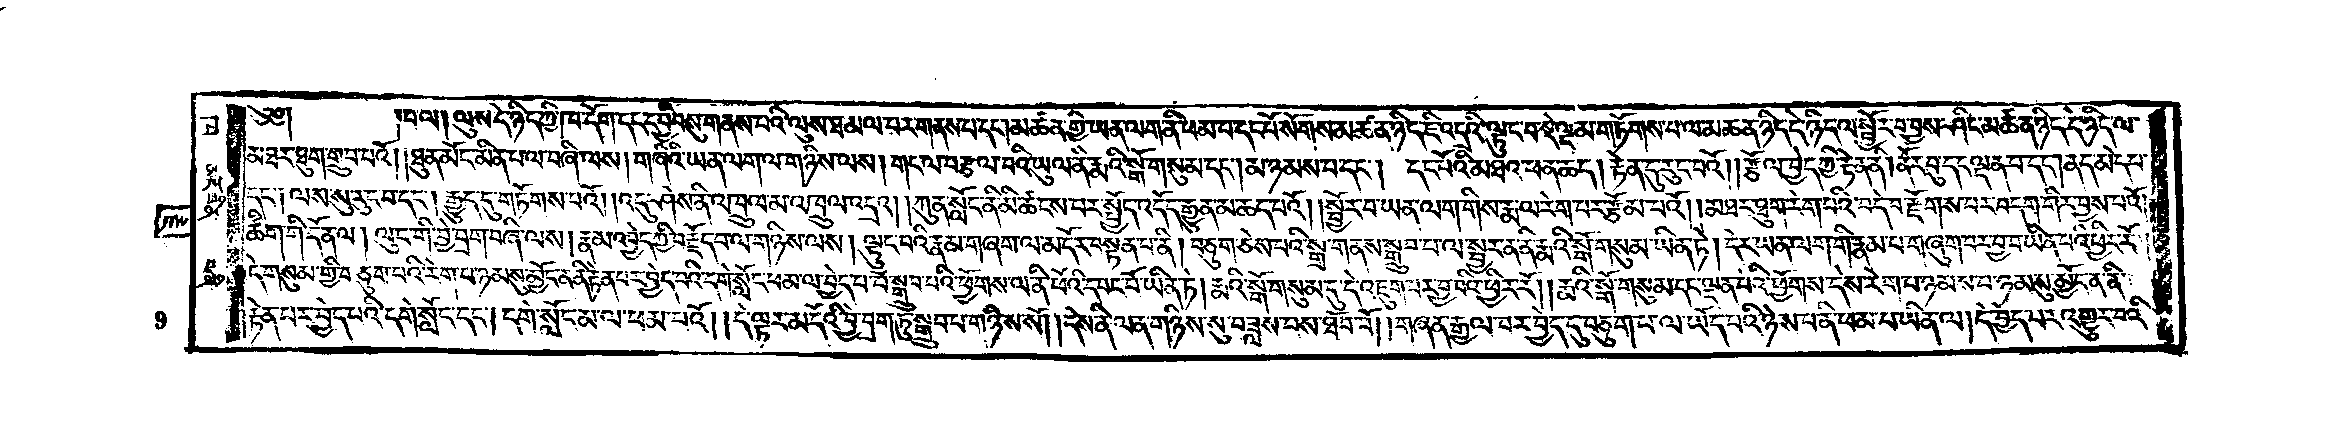༄༅། །པ་ལ། ལུས་དེ་ཉིད་ཀྱི་ཁ་དོག་དང་དབྱིབས་སུ་གནས་པའི་ལུས་ཐ་མལ་པར་གནས་པ་དང་། མཚན་གྱི་ཡན་ལག་ནི་ཕམ་པ་དང་པོ་སོགས་མཚན་ཉིད་ཇི་འདྲའི་ལྟུང་བ་སྡེ་ལྔ་མ་གཏོགས་པ་ལ་མཚན་ཉིད་དེ་ཉིད་ལ་སྦྱོར་བ་བྱས་ཤིང་མཚན་ཉིད་དེ་ཉིད་ལ་
མཐར་ཐུག་གྲུབ་པའོ། །ཐུན་མོང་མིན་པ་ལ་བཞི་ལས། གཞིའི་ཡན་ལག་ལ་གཉིས་ལས། གང་ལ་བརྩལ་བའི་ཡུལ་ནི་རྨའི་སྒོ་གསུམ་དང་། མ་ཉམས་པ་དང་། དང་པོའི་མཐའ་ཕན་ཆད། རྟེན་དུ་རུང་བའོ། །རྩོལ་བྱེད་ཀྱི་རྟེན་ནི། ནོར་བུ་དང་ལྡན་པ་དང་། ནད་མེད་པ་
དང་། ལས་སུ་རུང་བ་དང་། རྒྱུད་དུ་གཏོགས་པའོ། །འདུ་ཤེས་ནི་འཁྲུལ་མ་འཁྲུལ་འདྲའ། །ཀུན་སློང་ནི་མི་ཚངས་པར་སྤྱོད་འདོད་རྒྱུན་མ་ཆད་པའོ། །སྦྱོར་བ་ཡན་ལག་གིས་རྨ་ལ་རེག་པར་རྩོམ་པའོ། །མཐར་ཐུག་རེག་པའི་བདེ་བརྫགས་པར་བདག་གིར་བྱས་པའོ། །
ཚིག་གི་དོན་ལ། ལུང་གི་བྱེ་བྲག་བཞི་ལས། རྣམ་འབྱེད་ཀྱི་བརྗོད་པ་ལ་གཉིས་ལས། ལྟུང་བའི་རྣམ་གཞག་ལ་མདོར་བསྟན་པ་ནི། བཅུ་ཅེས་པའི་སྒྲ་གནས་སྒྲུབ་པ་ལ་སྦྱར་ན་ནི་རྨའི་སྒོ་གསུམ་ཡིན་ཏེ། དེར་ཡན་ལག་གི་རྣམ་པ་གཞུག་པར་བྱ་བ་ཡིན་པའི་ཕྱིར་རོ། །
དེ་གསུམ་གྱི་བཅུག་པའི་རེག་པ་ཉམས་སུ་མྱོང་ན་ནི་རྟེན་པར་བྱེད་པའི་དགེ་སློང་ཕམ་ལ་བྱེད་པ་པོ་སྒྲུབ་པའི་ཕྱོགས་ལ་ནི་ཕོའི་དབང་པོ་ཡིན་ཏེ། རྨའི་སྒོ་གསུམ་དུ་དེ་འཇུག་པར་བྱ་བའི་ཕྱིར་རོ། །རྨའི་སྒོ་གསུམ་དང་ལྡན་པའི་ཕྱོགས་དེས་རེག་པ་ཉམས་པ་ཉམས་སུ་མྱོང་ན་ནི་
རྟེན་པར་བྱེད་པའི་དགེ་སློང་དང་། དགེ་སློང་མ་ལ་ཕམ་པའོ། །དེ་ལྟར་མདོའི་བྱེ་བྲག་ཏུ་སྒྲུབ་པ་གཉིས་སོ། །དེས་ནི་ལན་གཉིས་སུ་བཟླས་པས་ཐོབ་པོ། །གཞན་རྒྱལ་བར་བྱེད་དུ་བཅུག་པ་ལ་ཡོད་པའི་ཉེས་པ་ནི་ཕམ་པ་ཡིན་ལ། དེ་བྱེད་པར་འགྱུར་བའི་